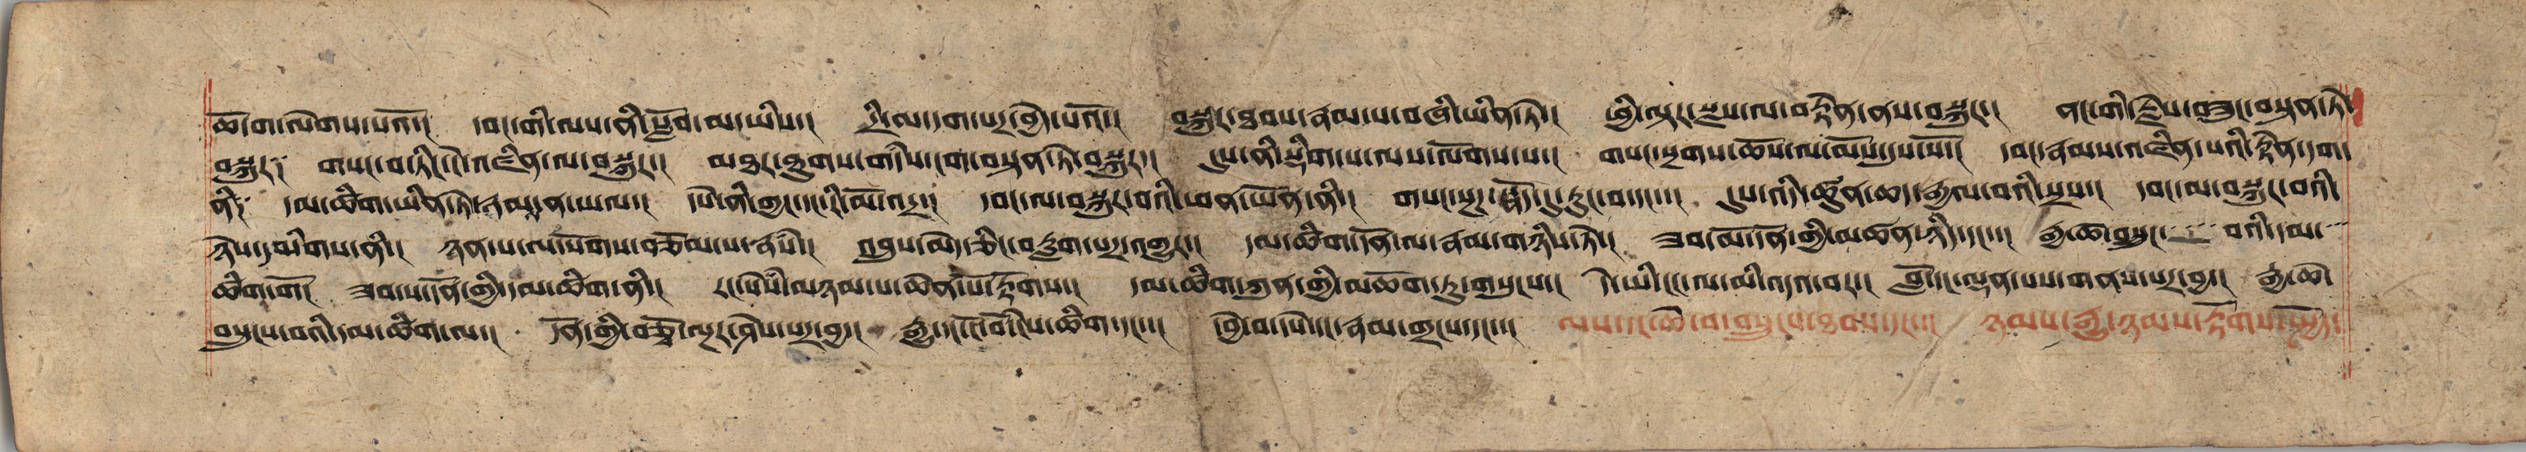ཆོ་ག་ལེགས་པའོ་། དབང་གི་ལས་ནི་སློབ་མ་ཡིས་། དྲི་མ་དག་པར་བྱེད་པའོ་། བསྐུར་ཐབས་རྣམ་པ་བཞི་ཡིན་ཏེ་། ཕྱི་ལྟར་སྫས་ལ་བརྟེན་ནས་བསྐུར་། ནང་གི་རྗེས་བཟུང་བསྟན་ཏེ་
བསྐུར༑ གསང་བ་ཏིང་ངེ་འཛིན་ལ་བསྐུར་། མཐར་ཐུགས་གདཾས་ངག་བསྟན་ཏེ་བསྐུར་། དུས་ནི་སྡིག་པ་ལས་སོགས་པ་། གསང་སྔགས་ཆོས་ལ་མོས་དུས་སོ་། དབང་རྣམས་འཛིན་པའི་རྟེན་དག་
ནི༑ དམ་ཚིག་ཡིན་ཏེ་རྣམས་ན་ཡལ་། དཔེ་ནི་གྱང་དང་རི་མོ་འདྲ་། དབང་ལ་བསྐུར་བའི་ཕན་ཡོན་ནི་། གསང་སྔཌ་སྣོད་དུ་རུང་བ་དང་་། དུས་འདི་ཚུན་ཆད་རྒྱལ་བའི་སྲས་། དབང་མ་བསྐུར་བའི་
ཉེས་དམིགས་ནི་། ཉན་པ་ལ་སོགས་བཅོམ་པ་རྣཾས་། འབྲུས་མེད་ཅིང་བརླག་པར་འགྱུར་། དམ་ཚིག་དོན་ལ་རྣམ་གཉིས་ཏེ་། ཟབ་མོ་དོན་གྱི་མཚན་ཉིད་དང་་། རྒྱ་ཆེ་བསྲུང་་་་བའི་དམ་
ཚིག་གོ། ཟབ་པ་དོན་གྱི་དམ་ཚིག་ནི་། རང་སེཾས་མཉམ་པ་ཆེན་པོ་རྟོགས་། དམ་ཚིག་ཀུན་གྱི་མཆོག་ཏུ་གསུངས་། དེ་ཡི་ངང་ལ་མི་འདའ་བར་། བློ་དང་ལྡན་པས་གནས་པར་བྱ་། རྒྱ་ཆེ་
བསྲུང་བའི་དམ་ཚིག་ལ་། དོན་གྱི་བཅྭོ་ལྔར་ཤེས་པར་བྱ་། རྒྱུ་དང་ངོ་བོ་ངེས་ཚིག་དང་་། དབྱེ་བ་དཔེ་དང་རྣམ་གྲངས་དང་་། ལས་དང་ཆེ་བ་བསྲུངས་ཐབས་དང་་། ཉམས་རྒྱུ་ཉམས་རྟོགས་སྤྱོད་